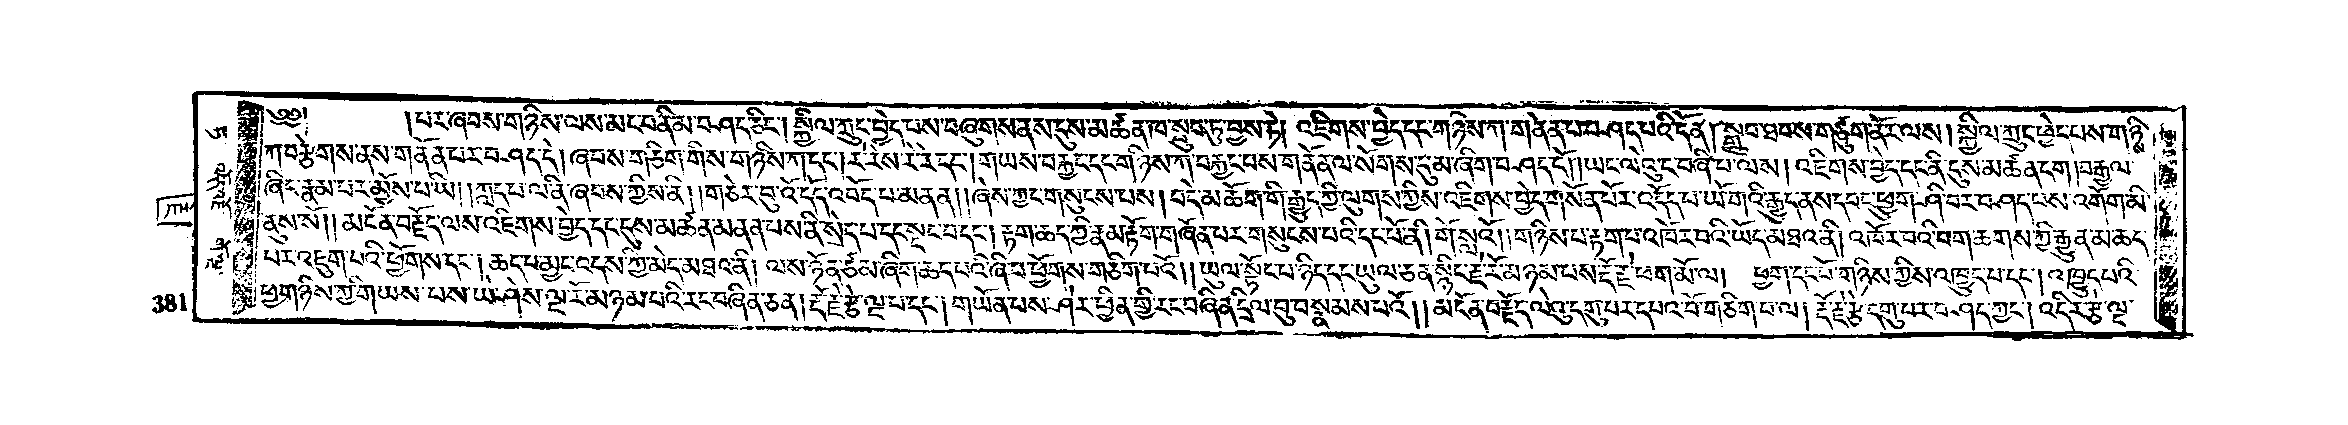༄༅། །པར་ཞབས་གཉིས་ལས་མང་བ་ནི་མ་བཤད་ཅིང་། སྐྱིལ་ཀྲུང་པྱེད་པས་བཞུགས་ནས་དུས་མཚན་ཁ་སྦུབ་ཏུ་བྱས་ཏེ། འཇིགས་བྱེད་དང་གཉིས་ཀ་གནོན་པ་བཤད་པའི་དོན། སྒྲུབ་ཐབས་གཙུག་ནོར་ལས། སྐྱིལ་ཀྲུང་ཕྱེད་པས་གཉིས་
ཀ་བརྩེགས་ནས་གནོན་པར་བཤད་དེ། ཞབས་གཅིག་གིས་གཉིས་ཀ་དང་། རེ་རེས་རེ་རེ་དང་། གཡས་བརྐྱང་དང་གཉིས་ཀ་བརྐྱང་བས་གནོན་ལ་སོགས་དུ་མ་ཞིག་བཤད་དོ། །ཡང་ལེའུ་ང་བཞི་པ་ལས། འཇིགས་བྱེད་དང་ནི་དུས་མཚན་དག །བརྒྱལ་
ཞིང་རྣམ་པར་མྱོས་པ་ཡི། །ཀླད་པ་ལ་ནི་ཞབས་ཀྱིས་ནི། །གཅེར་བུ་འོ་དོད་འབོད་པ་མནན། །ཞེས་ཀྱང་གསུངས་པས། བདེ་མཆོག་གི་རྒྱུད་ཀྱི་ལུགས་ཀྱིས་འཇིགས་བྱེད་གསོན་པོར་འདོད་པ་ཡོ་གའི་རྒྱུད་ནས་དབང་ཕྱུག་ཤི་བར་བཤད་པས་འགོག་མི་
ནུས་སོ། །མངོན་བརྗོད་ལས་འཇིགས་བྱེད་དང་དུས་མཚན་མནན་པས་ནི་སྲེད་པ་དང་སྡང་བ་དང་། རྟག་ཆད་ཀྱི་རྣམ་རྟོག་གཞོན་པར་གསུངས་པའི་དང་པོ་ནི། གོ་སླའོ། །གཉིས་པ་རྟག་པ་འཁོར་བའི་ཡོད་མཐའ་ནི། འཁོར་བའི་བག་ཆགས་ཀྱི་རྒྱུན་མ་ཆད་
པར་འཇུག་པའི་ཕྱོགས་དང་། ཆད་པ་མྱང་འདས་ཀྱི་མེད་མཐའ་ནི། ལས་ཉོན་ཙམ་ཞིག་ཆད་པའི་ཞི་བ་ཕྱོགས་གཅིག་པའོ། །ཡུལ་སྟོང་པ་ཉིད་དང་ཡུལ་ཅན་སྙིང་རྗེ་རོ་མཉམ་པས་རྡོ་རྗེ་ཕག་མོ་ལ། ཕྱག་དང་པོ་གཉིས་ཀྱིས་འཁྱུད་པ་དང་། འཁྱུད་པའི་
ཕྱག་གཉིས་ཀྱི་གཡས་པས་ཡེ་ཤེས་ལྔ་རོ་མཉམ་པའི་རང་བཞིན་ཅན། རྡོ་རྗེ་རྩེ་ལྔ་པ་དང་། གཡོན་པས་ཤེར་ཕྱིན་གྱི་རང་བཞིན་དྲིལ་བུ་བསྣམས་པའོ། །མངོན་བརྗོད་ལེའུ་དགུ་པར་དཔའ་བོ་གཅིག་པ་ལ། རྡོ་རྗེ་རྩེ་དགུ་པར་བཤད་ཀྱང་། འདིར་རྩེ་ལྔ་